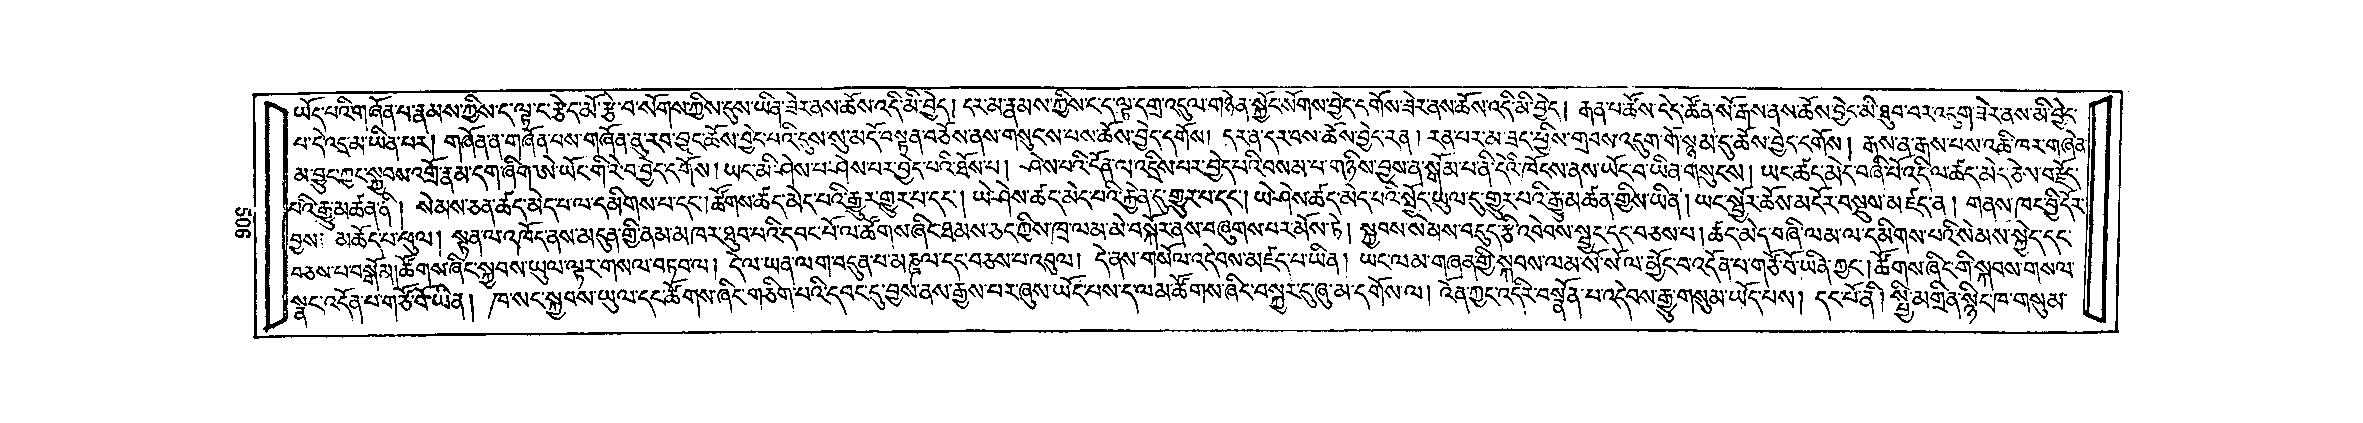ཡོད་པའི་གཞོན་པ་རྣམས་ཀྱིས་ད་ལྟ་ང་རྩེད་མོ་རྩེ་བ་སོགས་ཀྱིས་དུས་ཡིན་ཟེར་ནས་ཆོས་འདི་མི་བྱེད། དར་མ་རྣམས་ཀྱིས་ང་ད་ལྟ་དགྲ་འདུལ་གཉེན་སྐྱོང་སོགས་བྱེད་དགོས་ཟེར་ནས་ཆོས་འདི་མི་བྱེད། རྒན་པ་ཚོས་ངེད་ཚོན་སོ་རྒས་ནས་ཆོས་བྱེད་མི་ཐུབ་པར་འདུག་ཟེར་ནས་མི་བྱེད་
པ་དེ་འདྲ་མ་ཡིན་པར། གཞོན་ན་གཞོན་པས་གཞོན་ནུ་རབ་བྱུང་ཆོས་བྱེད་པའི་དུས་སུ་མདོ་བསྟན་བཅོས་ནས་གསུངས་པས་ཆོས་བྱེད་དགོས། དར་ན་དར་བས་ཆོས་བྱེད་རན། རན་པར་མ་ཟད་ཕྱིས་གྲབས་འདུག་གོ་སྙམ་དུ་ཆོས་བྱེད་དགོས། རྒས་ན་རྒས་པས་འཆི་ཁར་གཞེན་
མ་བྱུང་ཀྱང་སྐྱབས་འགྲོ་རྣམ་དག་ཞིག་ཨེ་ཡོང་གི་རེ་བ་བྱེད་དགོས། ཡང་མི་ཤེས་པ་ཤེས་པར་བྱེད་པའི་ཐོས་པ། ཤེས་པའི་དོན་ལ་འདྲིས་པར་བྱེད་པའི་བསམ་པ་གཉིས་བྱས་ན་སྒོམ་པ་ནི་དེའི་ཁོངས་ནས་ཡོང་བ་ཡིན་གསུངས། ཡང་ཚད་མེད་བཞི་པོ་འདི་ལ་ཚད་མེད་ཅེས་བརྗོད་
པའི་རྒྱུ་མཚན་ནི། སེམས་ཅན་ཚད་མེད་པ་ལ་དམིགས་པ་དང་། ཚོགས་ཚད་མེད་པའི་རྒྱུར་གྱུར་པ་དང་། ཡེ་ཤེས་ཚད་མེད་པའི་རྐྱེན་དུ་གྱུར་པ་དང་། ཡེ་ཤེས་ཚད་མེད་པའི་སྤྱོད་ཡུལ་དུ་གྱུར་པའི་རྒྱུ་མཚན་གྱིས་ཡིན། ཡང་སྦྱོར་ཆོས་མདོར་བསྡུས་མཛད་ན། གནས་ཁང་བྱི་དོར་
བྱས། མཆོད་པ་ཕུལ། སྟན་ལ་འཁོད་ནས་མདུན་གྱི་ནམ་མཁར་ཐུབ་པའི་དབང་པོ་ལ་ཚོགས་ཞིང་ཐམས་ཅད་ཀྱིས་ཁྲ་ལམ་མེ་བསྐོར་ནས་བཞུགས་པར་མོས་ཏེ། སྐྱབས་སེམས་བདུད་རྩི་འབེབས་སྦྱང་དང་བཅས་པ། ཚད་མེད་བཞི་ལམ་ལ་དམིགས་པའི་སེམས་སྐྱེད་དང་
བཅས་པ་བསྒོམ། ཚོགས་ཞིང་སྐྱབས་ཡུལ་ལྟར་གསལ་བཏབ་ལ། དེ་ལ་ཡན་ལག་བདུན་པ་མཎྜལ་དང་བཅས་པ་འབུལ། དེ་ནས་གསོལ་འདེབས་མཛད་པ་ཡིན། ཡང་ལམ་གཞན་གྱི་སྐབས་ལམ་སོ་སོ་ལ་མྱོང་བ་འདོན་པ་གཙོ་བོ་ཡིན་ཀྱང་། ཚོགས་ཞིང་གི་སྐབས་གསལ་
སྣང་འདོན་པ་གཙོ་བོ་ཡིན། ཁ་སང་སྐྱབས་ཡུལ་དང་ཚོགས་ཞིང་གཅིག་པའི་དབང་དུ་བྱས་ནས་རྒྱས་པར་ཞུས་ཡོད་པས་ད་ལམ་ཚོགས་ཞིང་བསྐྱར་དུ་ཞུ་མ་དགོས་ལ། འོན་ཀྱང་འདིར་བསྣོན་པ་འདེབས་རྒྱུ་གསུམ་ཡོད་པས། དང་པོ་ནི། སྤྱི་མགྲིན་སྙིང་ཁ་གསུམ་